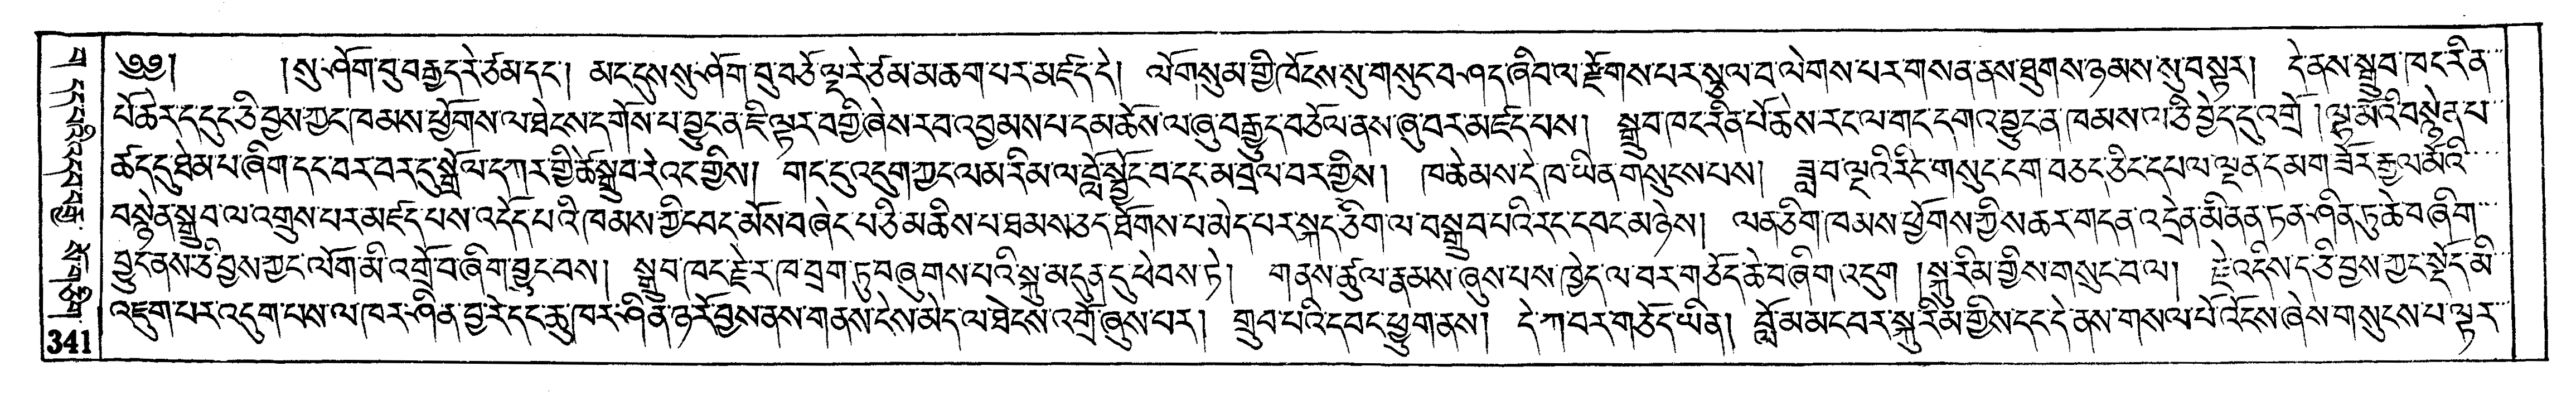༄༅། །སུ་ཤོག་བུ་བརྒྱད་རེ་ཙམ་དང་། མང་དུས་སུ་ཤོག་བུ་བཅོ་ལྔ་རེ་ཙམ་མ་ཆག་པར་མཛད་དེ། ལོ་གསུམ་གྱི་ཁོངས་སུ་གསུང་བཤད་ཞིབ་ལ་རྫོགས་པར་སྩལ་བ་ལེགས་པར་གསན་ནས་ཐུགས་ཉམས་སུ་བསྟར། དེ་ནས་སྒྲུབ་ཁང་རིན་
པོ་ཆེར་ད་དུང་ཅི་བྱས་ཀྱང་ཁམས་ཕྱོགས་ལ་ཐེངས་དགོས་པ་བྱུང་ན་ཇི་ལྟར་བགྱི་ཞེས་རབ་འབྱམས་པ་དམ་ཆོས་ལ་ཞུ་བརྒྱུད་བཅོལ་ནས་ཞུ་བར་མཛད་པས། སྒྲུབ་ཁང་རིན་པོ་ཆེས་རང་ལ་གང་དགའ་བྱུང་ན་ཁམས་ལ་ཅི་བྱེད་དུ་འགྲོ་།ལྷ་མོའི་བསྙེན་པ་
ཚད་དུ་ཐེམ་པ་ཞིག་དང་བར་བར་དུ་སྒྲོལ་དཀར་གྱི་ཚེ་སྒྲུབ་རེའང་གྱིས། གང་དུ་འདུག་ཀྱང་ལམ་རིམ་ལ་བློ་སྦྱོང་བ་དང་མ་བྲལ་བར་གྱིས། ཁ་ཆེམས་དེ་ཁ་ཡིན་གསུངས་པས། ཟླ་བ་ལྔའི་རིང་གསུང་ངག་བཅད་ཅིང་དཔལ་ལྡན་དམག་ཟོར་རྒྱལ་མོའི་
བསྙེན་སྒྲུབ་ལ་འགྲུས་བར་མཛད་པས་འདོད་པའི་ཁམས་ཀྱི་དབང་མོས་བཞེད་བཅི་མཆིས་པ་ཐམས་ཅད་ཐོགས་པ་མེད་པར་སྐད་ཅིག་ལ་བསྒྲུབ་པའི་རང་དབང་མཉེས། ལན་ཅིག་ཁམས་ཕྱོགས་ཀྱི་ས་ཆར་གདན་འདྲེན་མི་ནན་ཏན་ཤིན་ཏུ་ཆེ་བ་ཞིག་
བྱུང་ནས་ཅི་བྱས་ཀྱང་ལོག་མི་འགྲོ་བ་ཞིག་བྱུང་བས། སྒྲུབ་ཁང་རྗེར་ཁ་བྲག་ཏུ་བཞུགས་པའི་སྐུ་མདུན་དུ་ཕེབས་ཏེ། གནས་ཚུལ་རྣམས་ཞུས་པས་ཁྱེད་ལ་བར་གཅོད་ཆེ་བ་ཞིག་འདུག །སྐུ་རིམ་གྱིས་གསུང་པ་ལ། རྗེ་འདིས་ད་ཅི་བྱས་ཀྱང་སྡང་མི་
འཇུག་པར་འདུག་པས་ལ་ཁར་ཤིན་བྱ་རོ་དང་ཆུ་ཁར་ཤིན་ན་བྱ་རོ་བྱས་ནས་གནས་ངེས་མེད་ལ་ཐེངས་འགྲོ་ཞུས་པར། གྲུབ་པའི་དབང་ཕྱུག་ནས། དེ་ཀ་བར་གཅོད་ཡིན། བློ་མ་མང་བར་སྐུ་རིམ་གྱིས་དང་དེ་ནས་གསལ་པོ་འོངས་ཞེས་གསུངས་པ་ལྟར་